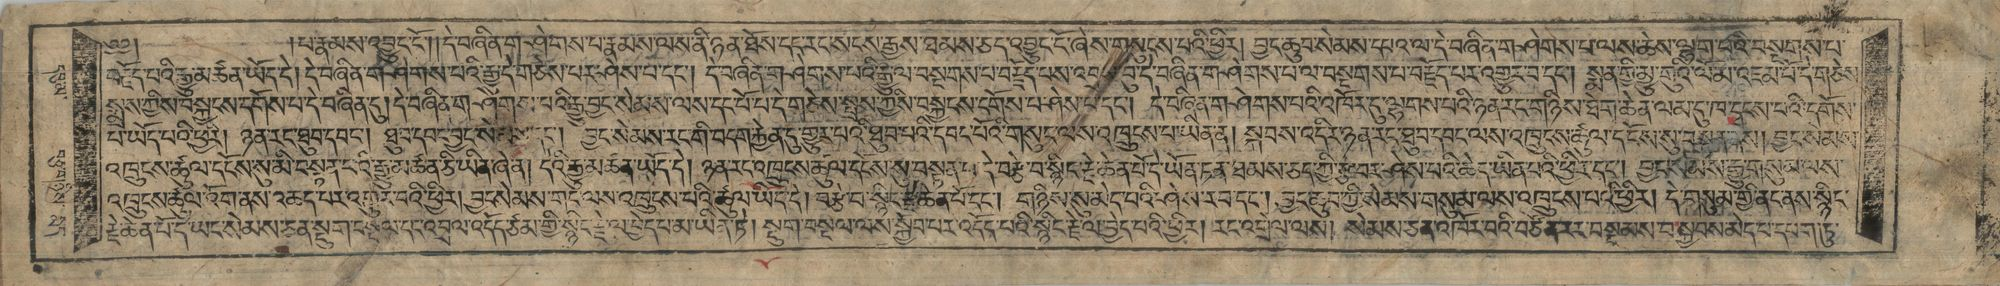༄༅། །པ་རྣམས་འབྱུང་ངོ། །དེ་བཞིན་གཤེགས་པ་རྣམས་ལས་ནི་ཉན་ཐོས་དང་རང་སངས་རྒྱས་ཐམས་ཅད་འབྱུང་ངོ་ཞེས་གསུངས་པའི་ཕྱིར། བྱང་ཆུབ་སེམས་དཔའ་ལ་དེ་བཞིན་གཤེགས་པ་ལས་ཆེས་ལྷག་པའི་བསྔགས་པ་
བརྗོད་པའི་རྒྱུ་མཚན་ཡོད་དེ། དེ་བཞིན་གཤེགས་པའི་རྒྱུད་གཅེས་པར་ཤེས་པ་དང་། དེ་བཞིན་གཤེགས་པའི་རྒྱུལྦྶྔགས་པ་བརྗོད་པས་འབྲས་བུ་དེ་བཞིན་གཤེགས་པ་ལ་བསྔགས་པ་བརྗོད་པར་འགྱུར་བ་དང་། སྨན་གྱི་མྱུ་གུའི་ལོམྰྗམ་པོ་དེ་གཅེས་
སྤྲས་ཀྱིས་བསྐྱངས་དགོས་པ་དེ་བཞིན་དུ། དེ་བཞིན་གཤེགས་པའི་རྒྱུ་བྱང་སེམས་ལས་དང་པོ་པ་དེ་གཅེས་སྤྲས་ཀྱིས་བསྐྱངས་དགོས་པ་ཤེས་པ་དང་། དེ་བཞིན་གཤེགས་པའི་འཁོར་དུ་ལྷགས་པའི་ཉན་རང་གཉིས་ཐེག་ཆེན་ལམ་དུ་ཁ་དྲངས་པའི་དགོས་
པ་ཡོད་པའི་ཕྱིར། ཉན་རང་ཐུབ་དབང་། ཐུབ་དབང་བྱང་སེམས་དང་། བྱང་སེམས་རང་གི་བདག་རྐྱེན་དུ་གྱུར་པའི་ཐུབ་པའི་དབང་པོའི་གསུང་ལས་འཁྲུངས་པ་ཡིན་ན། སྐབས་འདིར་ཉན་རང་ཐུབ་དབང་ལས་འཁྲུངས་ཚུལ་དངོས་སུ་བསྟན་ནས། བྱང་སེམས་
འཁྲུངས་ཚུལ་དངོས་སུ་མི་བསྟན་པའི་རྒྱུ་མཚན་ཅི་ཡིན་ཞེ་ན། དེའི་རྒྱུ་མཚན་ཡོད་དེ། ཉན་རང་འཁྲུངས་ཚུལ་དངོས་སུ་བསྟན་པ་དེ་བརྩེ་བ་སྙིང་རྗེ་ཆེན་པོ་དེ་ཡོན་ཏན་ཐམས་ཅད་ཀྱི་རྩ་བར་ཤེས་པའི་ཆེད་ཡིན་པའི་ཕྱིར་དང་། བྱང་སེམས་རྒྱུ་གསུམ་ལས་
འཁྲུངས་ཚུལ་འོག་ནས་འཆད་པར་འགྱུར་པའི་ཕྱིར། བྱང་སེམས་གང་ལས་འཁྲུངས་པའི་ཚུལ་ཡོད་དེ། བརྩེ་བ་སྙིང་རྗེ་ཆེན་པོ་དང་། གཉིས་སུ་མེད་པའི་ཤེས་རབ་དང་། བྱང་ཆུབ་ཀྱི་སེམས་གསུམ་ལས་འཁྲུངས་པའི་ཕྱིར། དེ་གསུམ་གྱི་ནང་ནས་སྙིང་
རྗེ་ཆེན་པོ་དེ་ཡང་སེམས་ཅན་སྡུག་བསྔལ་དང་འབྲལ་འདོད་ཙམ་གྱི་སྙིང་རྗེ་ལ་བྱེད་པ་མ་ཡིན་ཏེ། སྡུག་བསྔལ་ལས་སྐྱོབ་པར་འདོད་པའི་སྙིང་རྗེ་ལ་བྱེད་པའི་ཕྱིར། རང་འགྲེལ་ལས། སེམས་ཅན་འཁོར་བའི་བཙོན་རང་བསྔམྶྦྶྐྱབསྨེད་པ་དཔག་ཏུ་